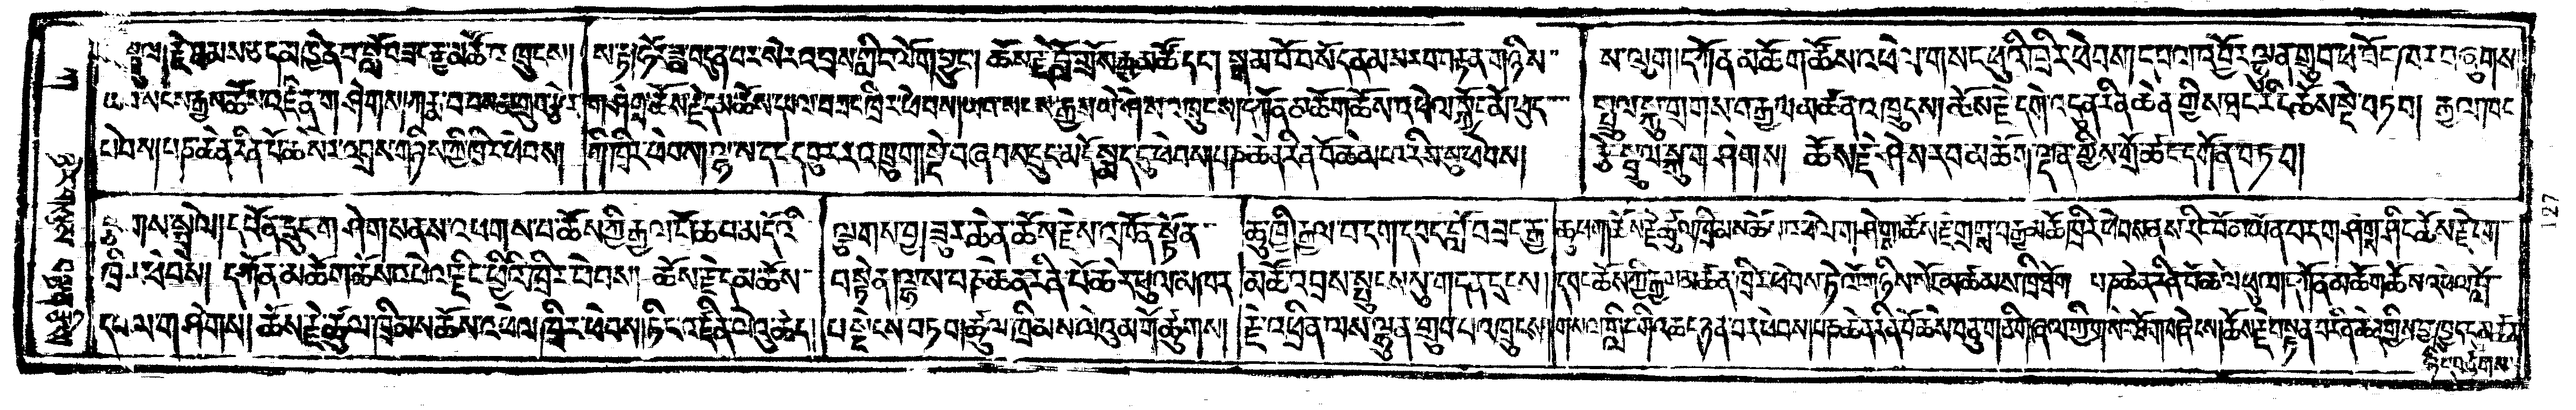སྤྲུལ?། རྗེ་ཐམས་ཅད་དམ་ཁྱེན་པ་བློ་བཟང་རྒྱ་མཚོ་འཁྲུངས། ས་རྟ། ཧོར་ཟླ་བདུན་པར་སེར་འབྲས་གླིང་ལོག་བྱུང་། ཆོས་རྗེ་བློ་གྲོས་རྒྱ་མཚོ་དང་། སྒམ་པོ་བསོད་ནམས་སར་བ་བརྟན་གཉིས་ས་ལུག། དཀོན་མཆོག་ཚོས་འཕེལ་གསང་ཕུའི་ཁྲིར་ཕེབས། །དཔལ་འབྱོར་ལྷུན་གྲུབ་ཕ་བོང་ཁར་བཞུགས་
ཡབ་སངས་རྒྱས་ཆོས་འཛིན་གཤེགས། ཀརྨ་བ་བསམ་གྲུབ་རྩེར་གཤེགས་ཆོས་རྗེ་མ་ཆོས་དཔལ་བཀྲང་ཁྲིར་ཕེབས། ཡབ་སངས་རྒྱས་ཡེ་ཤེས་འཁྲུངས། དཀོན་མཆོག་ཆོས་འཕེལ་སྐྱོང་མོ་ཕུང་སྤྲུལ་སྐུ་གྲགས་བ་རྒྱལ་མཚན་འཁྲུངས། ཆོས་རྗེ་དགེ་འདུན་རིན་ཆེན་གྱིས་ཐང་རིང་ཆོས་སྡེ་བཏབ། རྒྱལ་ཁང་
ཕེབས། པཎ་ཆེན་རིན་པོ་ཆེ་སེར་འབྲས་གཉིས་ཀྱི་ཁྲིར་ཕེབས། །ཀི་ཁྲིར་ཕེབས། །ལྷས་དང་དབུར་ར་འཁྲུག །སྡེ་བཞབས་དྲུང་མདོ་སྨད་དུ་ཕེབས། པཎ་ཆེན་རིན་པོ་ཆེ་མདའ་རིས་སུ་ཕེབས། རྩེ་སྦྲུལ་སྐུ་གཤེགས། ཆོས་རྗེ་ཤེས་རབ་མཆོག་ལྡན་གྱིས་གྲོ་ཚང་དགོན་བཏབ།
ལྕགས་སྦྲེལ། དཔོན་དྲུང་གཤེགས་ནས་འཕགས་པ་ཆོས་ཀྱི་རྒྱལ་པོ་ཆབ་མདོའི་ལྕགས་བྱ། ཟུར་ཆེན་ཆོས་རྗེས་འཁོན་སྟོན་ཆུ་ཁྱི། རྒྱལ་བདག་དབང་བློ་བཟང་རྒྱ་ཆུ་ཕག། རྡོས་རྗེ་ཚུལ་ཁྲིམས་ཚེས་འཕེལ་གཤེགས་ཆོས་རྗེ་གྲགས་བརྒྱ་མཆོ་ཁྲིར་ཕེབས་ནས་རིང་བོམ་ཡོན་བདག་གཤེགས་ཤིང་ཆོས་རྗེ་ངག་
ཁྲིར་ཕེབས། དཀོན་མཆོག་ཆོས་འཕེལ་རྗིང་ཕྱིའི་ཁྲིར་ཕེབས། ཆོས་རྗེ་མ་ཆོས་བསྟེན། ལྷས་པཎ་ཆེན་རིན་པོ་ཆེར་ཕུལ་མཁར། མཚོ་འབྲས་སྤུངས་སུ་གདན་དྲངས། དབང་ཆོས་ཀྱི་རྒྱལ་མཚན་ཁྲིར་ཕེབས་ཏེ་ལོ་གཉིས་སོང་མཚམས་ཁྲི་ཐོག་པཎ་ཆེན་རིན་པོ་ཆེ་ལ་ཕུལ། དཀོན་མཆོག་ཆོས་འཕེལ་བློ་
དཔལ་གཤེགས། ཆོས་རྗེ་ཚུལ་ཁྲིམས་ཆོས་འཕེལ་ཁྲིར་ཕེབས། ཏིང་འཛིན་ལེའུ་ཆེད། བསྔགས་བཏབ། ཚུལ་ཁྲིམས་ལེའུ་མགོ་ཚུགས། རྗེ་འཕྲིན་ལས་ལྷུན་གྲུབ་པ་འཁྲུངས། གསལ་གླིང་གི་འཆད་ཉན་བར་ཕེབས། པན་ཆེན་རིན་པོ་ཆེས་བཅུ་གཅིག་ཞལ་གྱི་གསེལ་ཐོག་བཞེངས། ཆོས་རྗེ་བསྟན་པ་རིན་ཆེན་གྱིས་བྱ་ཁྱུང་དུམ་རྗོད་ཉིད་བཙུགས་